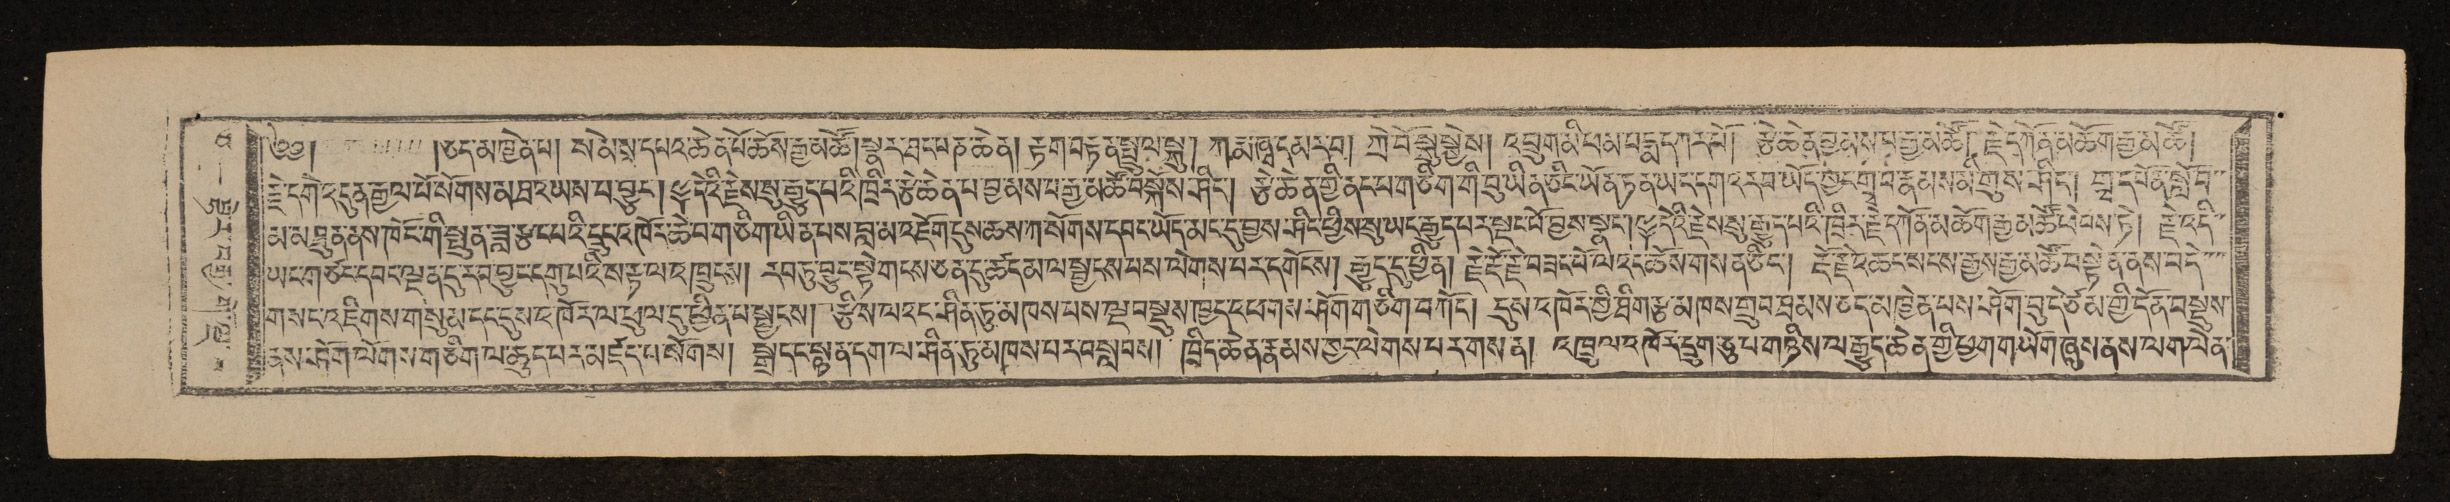༄༅། །ཅད་མཁྱེན་པ། སེམས་དཔའ་ཆེན་པོ་ཆོས་རྒྱ་མཚོ། སྣར་ཐང་པཎ་ཆེན། རྟག་བརྟན་སྤྲུལ་སྐུ། ཀརྨ་ཞྭ་དམར་བ། ཀྲེ་བོ་སྐུ་སྐྱེས། འབྲུག་མི་ཕམ་པདམ་དཀར་པོ། རྩེ་ཆེན་བྱམས་པ་རྒྱ་མཚོ། རྗེ་དཀོན་མཆོག་རྒྱ་མཚོ།
རྗེ་དགེ་འདུན་རྒྱལ་པོ་སོགས་མཐའ་ཡས་པ་བྱུང་། ༈ དེའི་རྗེས་སུ་རྒྱུད་པའི་ཁྲིར་རྩེ་ཆེན་པ་བྱམས་པ་རྒྱ་མཚོ་བསྐོས་ཤིང་། རྩེ་ཆེན་གྱི་ནང་པ་གཅིག་གི་བུ་ཡིན་ཅིང་ཡོན་ཏན་ཡང་དགའ་རབ་ཡོད་ཀྱང་གྲྭ་པ་རྣམས་མི་གུས་ཤིང་། གྲྭ་དཔོན་སློབ་
མ་མཐུན་ནས་ཁོང་གི་སྤུན་ཟླ་རྩང་བའི་དྲུང་འཁོར་ཆེ་བ་གཅིག་ཡིན་པས་བླ་མ་འཇོག་དུས་ཆས་ཀ་སོགས་དབང་ཡོད་མང་དུ་བྱས་ཤིང་ཕྱིས་སུ་ཡང་རྒྱུད་པར་སྡང་པོ་བྱས་སྣང་། ༈ དེའི་རྗེས་སུ་རྒྱུད་པའི་ཁྲིར་རྗེ་དཀོན་མཆོག་རྒྱ་མཚོ་ཕེབས་ཏེ། རྗེ་འདི་
ཡང་གཙང་དབང་ལྡན་དུ་རབ་བྱུང་དགུ་པའི་ས་རྟ་ལ་འཁྲུངས། རབ་ཏུ་བྱུང་སྟེ་གངས་ཅན་དུ་ཚད་མ་ལ་སྦྱངས་པས་ལེགས་པར་དགོངས། རྒྱུད་དུ་ཕྱིན། རྗེ་རྡོ་རྗེ་བཟང་པོ་ལའང་ཆོས་གསན་ཅིང་། རྡོ་རྗེ་འཆང་སངས་རྒྱས་རྒྱ་མཚོ་བསྟེན་ནས་བདེ་
གསང་འཇིགས་གསུམ་དང་དུས་འཁོར་ལ་ཕུལ་དུ་ཕྱིན་པ་སྦྱངས། རྩིས་ལའང་ཤིན་ཏུ་མཁས་པས་ལྔ་བསྡུས་ཁྱད་འཕགས་ཤོག་གཅིག་བཀོད། དུས་འཁོར་ཀྱི་ཐིག་རྩ་མཁས་གྲུབ་ཐམས་ཅད་མཁྱེན་པས་ཤོག་བུ་དེ་ཙམ་གྱི་དོན་བསྡུས་
ནས་ཤོག་ལོགས་གཅིག་ལ་ཆུད་པར་མཛད་པ་སོགས། སྒྲ་དང་སྙན་ངག་ལ་ཤིན་ཏུ་མཁས་པར་བསླབས། ཁྲིད་ཆེན་རྣམས་ཀྱང་ལེགས་པར་གསན། འཁྲུལ་འཁོར་དྲུག་ཅུ་པ་གཉིས་ལ་རྒྱུད་ཆེན་གྱི་ཕྱག་གཡོག་ཞུས་ནས་ལག་ལེན་